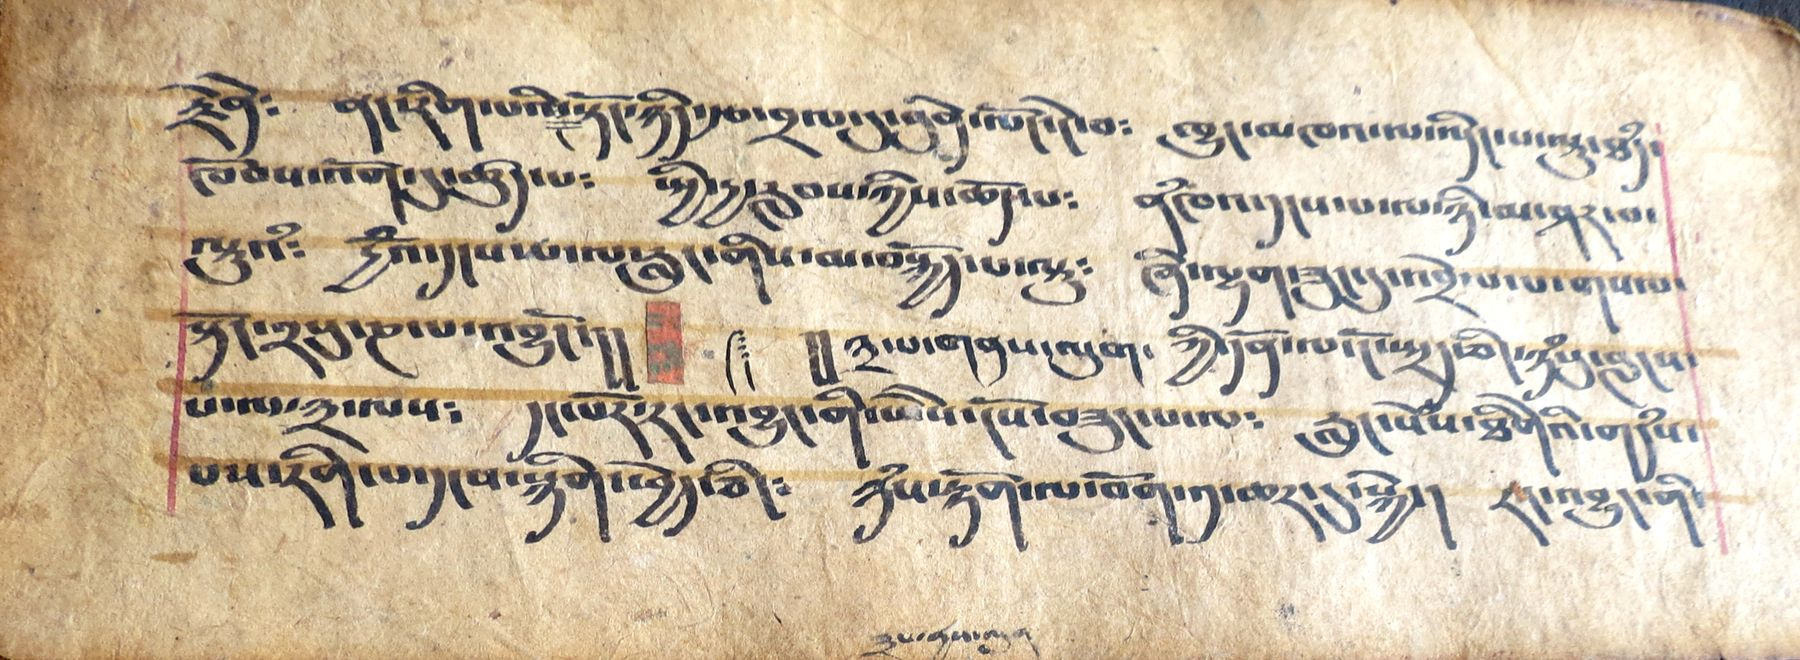རྗེན་ནེ། ནང་རིག་པའི་ངོ་བོ་སྟོང་ཉིད་རྩ་བྲལ་དུ་བུན་ནེ་ལོང་ངེ་བ། ཁྱུང་ནམ་མཁའ་ལ་ལྡིང་བ་ལྟ་བུ། ཐམས་ཅད་
ཁོབས་འོག་ཏུ་ཚུད་པ། སྤྱི་རྒྱ་རླབས་ཀྱིས་ཆོད་པ། ནམ་མཁའ་དྭངས་པ་ལ་ཉི་མ་ཤར་བ་
ལྟ་བུ་འམ། རྒྱ་མཚོ་དྭངས་པ་ལ་རླུང་གིས་མ་སྐྱོད་པ་ལྟ་བུ། ཞི་ལྷག་ཟུང་དུ་འབྲེལ་བ་གསལ་
སྟོང་གཉིས་སུ་མེད་པར་འབྱུང་ངོ་། ། གསུམ་པ་གནས་ལུགས་ཀྱི་དོན་ལ་ངོ་སྤྲད་ཅིང་ཉམས་སུ་བླངས་
པ་ལ་གསུམ་ལས། དང་པོ་རང་འབྱུང་གི་ཡེ་ཤེས་ངོས་བཟུང་བ། རླུང་སེམས་ཐིག་ལེའི་གདམས་
པས་རིག་པ་དྭངས་སྙིགས་ཕྱེད་ཅིང་ཉམས་རྟོགས་ལ་བོགས་ཅིག་ཆར་དུ་སྐྱེ། རང་འབྱུང་གི་